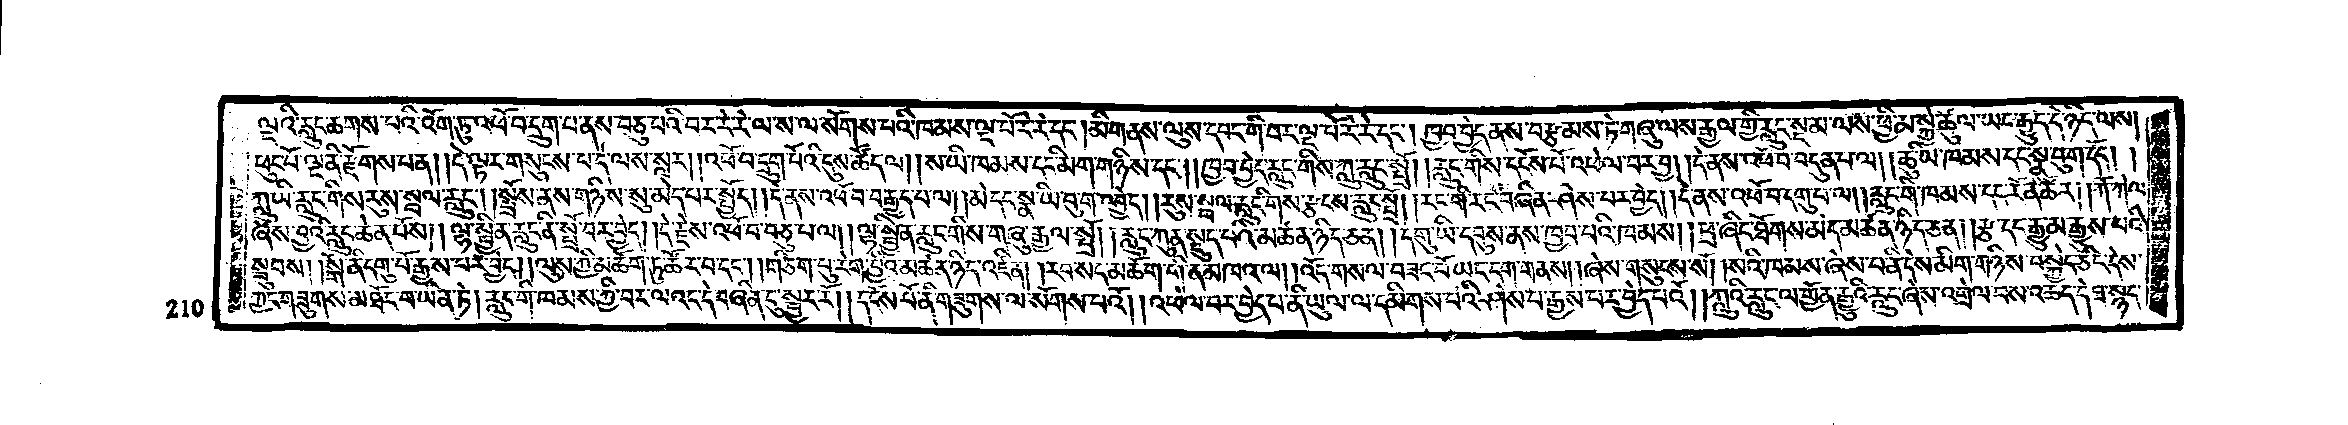ལྔའི་རླུང་ཆགས་པའི་འོག་ཏུ་འཕོ་བ་དྲུག་པ་ནས་བཅུ་པའི་བར་རེ་རེ་ལ་ས་ལ་སོགས་པའི་ཁམས་ལྔ་པོ་རེ་རེ་དང་། མིག་ནས་ལུས་དབང་གི་བར་ལྔ་པོ་རེ་རེ་དང་། ཁྱབ་བྱེད་ནས་བརྩམས་ཏེ་གཞུ་ལས་རྒྱལ་གྱི་རླུང་སྔ་མ་ལས་ཕྱི་མ་སྐྱེ་ཚུལ་ཡང་རྒྱུད་དེ་ཉིད་ལས།
ཕུང་པོ་ལྔ་ནི་རྫོགས་པ་ན། །དེ་ལྟར་གསུངས་པ་དེ་ལས་སླར། །འཕོ་བ་དྲུག་པོའི་དུས་ཚོད་ལ། །ས་ཡི་ཁམས་དང་མིག་གཉིས་དང་། །ཁྱབ་བྱེད་རླུང་གིས་ཀླུ་རླུང་སྤྲོ། །རླུང་གིས་དངོས་པོ་འཕེལ་བར་བྱ། །དེ་ནས་འཕོ་བ་བདུན་པ་ལ། །ཆུ་ཡི་ཁམས་དང་སྣ་བུག་དོད། །
ཀླུ་ཡི་རླུང་གིས་རུས་སྦལ་རླུང་། །སྤྲོས་ནས་གཉིས་སུ་མེད་པར་སྤྱོད། །དེ་ནས་འཕོ་བ་བརྒྱད་པ་ལ། །མེ་དང་སྣ་ཡི་བུ་ག་འབྱེད། །རུས་སྦལ་རླུང་གིས་རྩངས་རླུང་སྤྲོ། །རང་གི་རང་བཞིན་ཤེས་པར་བྱེད། །དེ་ནས་འཕོ་བ་དགུ་པ་ལ། །རླུང་གི་ཁམས་དང་རོ་ནི་ཚོར། །ཀོ་ཀེ་ལ་
ཞེས་བྱའི་རླུང་ཆེན་པོས། །ལྷ་སྦྱིན་རླུང་ནི་སྤྲོ་བར་བྱེད། །དེ་རྗེས་འཕོ་བ་བཅུ་པ་ལ། །ལྷ་སྦྱིན་རླུང་གིས་གཞུ་རྒྱལ་སྤྲོ། །རླུང་ཀུན་སྡུད་པའི་མཚན་ཉིད་ཅན། །དགུ་ཡི་དབུས་ནས་ཁྱབ་པའི་ཁམས། །ཕྲ་ཞིང་ཐོགས་མེད་མཚན་ཉིད་ཅན། །རྩ་དང་རྒྱུ་མ་རྒྱུས་པའི་
སྦུབས། །སྒོ་ནི་དགུ་པོ་རྒྱས་པར་བྱེད། །ལུས་ཀྱི་མཆོག་ཏུ་ཚོར་བ་དང་། །གཅིག་པུ་རེག་བྱའི་མཚན་ཉིད་འཛིན། །རབ་སང་མཆོག་གི་ནམ་མཁའ་ལ། །འོད་གསལ་བཟང་པོ་ཡང་དག་གནས། །ཞེས་གསུངས་སོ། །སའི་ཁམས་ཞེས་པ་ནི་དེས་མིག་གཉིས་བསྐྱེད་ཅིང་དེས་
ཀྱང་གཟུགས་མཐོང་བ་ཡིན་ཏེ། རླུང་གི་ཁམས་ཀྱི་བར་ལའང་དེ་བཞིན་དུ་སྦྱར་རོ། །དངོས་པོ་ནི་གཟུགས་ལ་སོགས་པའོ། །འཕེལ་བར་བྱེད་པ་ནི་ཡུལ་ལ་དམིགས་པའི་ཤེས་པ་རྒྱས་པར་བྱེད་པའོ། །ཀླུའི་རླུང་ལ་གྱེན་རྒྱུའི་རླུང་ཞེས་འགྲེལ་པས་འཆད་དེ་ཐ་སྙད་